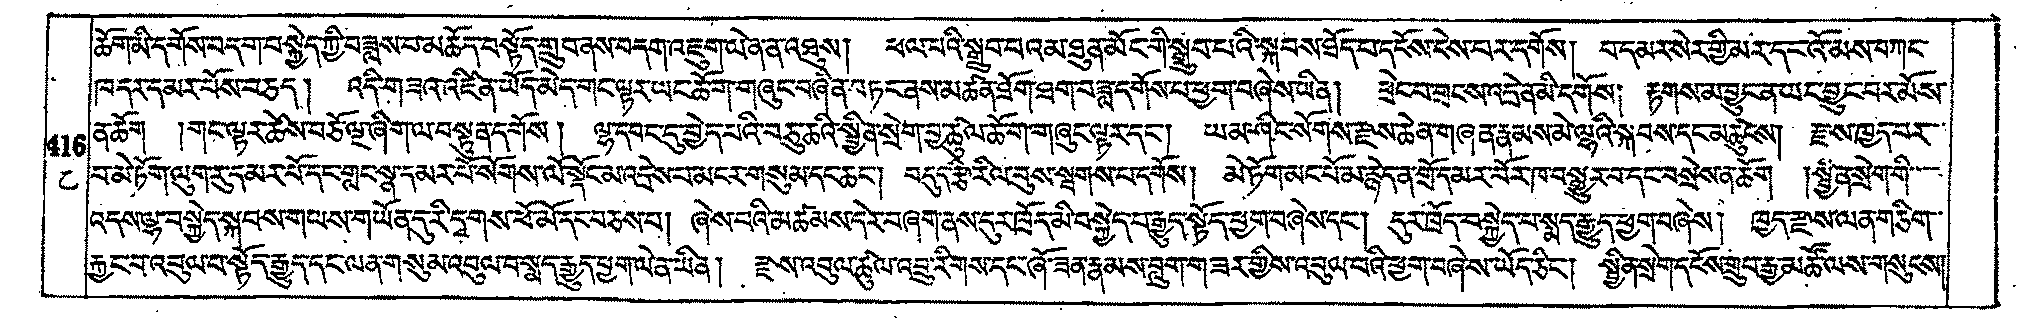ཆོག་མི་དགོས་བདག་བསྐྱེད་ཀྱི་བཟླས་པ་མཆོད་བསྟོད་གྲུབ་ནས་བདག་འཇུག་ལེན་ན་འཐུས། ཕལ་བའི་སྒྲུབ་པའམ་ཐུན་མོང་གི་སྒྲུབ་པའི་སྐབས་ཐོད་པ་དངོས་ངེས་པར་དགོས། བ་དམར་སེར་གྱི་མར་དང་འོ་མས་བཀང་
ཁ་དར་དམར་པོས་བཅད། འདི་གཟའ་འཛིན་ཡོད་མེད་གང་ལྟར་ཡང་ཆོ་ག་གཞུང་བཞིན་བཏང་ནས་མཚན་ཐོག་ཐག་བཟླ་དགོས་པ་ཕྱག་བཞེས་ཡིན། ཕྲེང་བ་གྲངས་འདྲེན་མི་དགོས། རྟགས་མ་བྱུང་ན་ཡང་བྱུང་བར་མོས་
ན་ཆོག །གང་ལྟར་ཚེ་བཅོ་ལྔ་ཞིག་ལ་བསྟུན་དགོས། ལྷ་དབང་དུ་བྱེད་པའི་བཅུ་ཆའི་སྦྱིན་སྲེག་བྱ་ཚུལ་ཆོ་ག་གཞུང་ལྟར་དང་། ཡམ་ཤིང་སོགས་རྫས་ཆེན་གཞན་རྣམས་མེ་ལྷའི་སྐབས་དང་མཚུངས། རྫས་ཁྱད་པར་་་
བ་མེ་ཏོག་ལུག་རུ་དམར་པོ་དང་གླང་སྣ་དམར་པོ་སོགས་ལོ་སྡོང་མ་འདྲེས་པ་མངར་གསུམ་དང་ཆང་། བདུད་རྩི་རིལ་བུས་སྦགས་པ་དགོས། མེ་ཏོག་མང་པོ་མ་རྙེད་ན་གྲོ་དམར་པོར་ཁ་བསྒྱུར་བ་དང་བསྲེས་ན་ཆོག །སྦྱིན་སྲེག་གི་་་
འདས་ལྷ་བསྐྱེད་སྐབས་གཡས་གཡོན་དུ་རི་དྭགས་ཕོ་མོ་དང་བཅས་པ། ཞེས་པའི་མཚམས་དེར་བཞག་ནས་དུར་ཁྲོད་མི་བསྐྱེད་པ་རྒྱུད་སྟོད་ཕྱག་བཞེས་དང་། དུར་ཁྲོད་བསྐྱེད་པ་སྨད་རྒྱུད་ཕྱག་བཞེས། ཁྱད་རྫས་ལན་གཅིག་་་
རྐྱང་པ་འབུལ་བ་སྟོད་རྒྱུད་དང་ལན་གསུམ་འབུལ་བ་སྨད་རྒྱུད་ཕྱག་ལེན་ཡིན། རྫས་འབུལ་ཚུལ་འབྲུ་རིགས་དང་ཞོ་ཟན་རྣམས་བླུག་གཟར་གྱིས་འབུལ་བའི་ཕྱག་བཞེས་ཡོད་ཅིང་། སྦྱིན་སྲེག་དངོས་གྲུབ་རྒྱ་མཚོ་ལས་གསུངས།